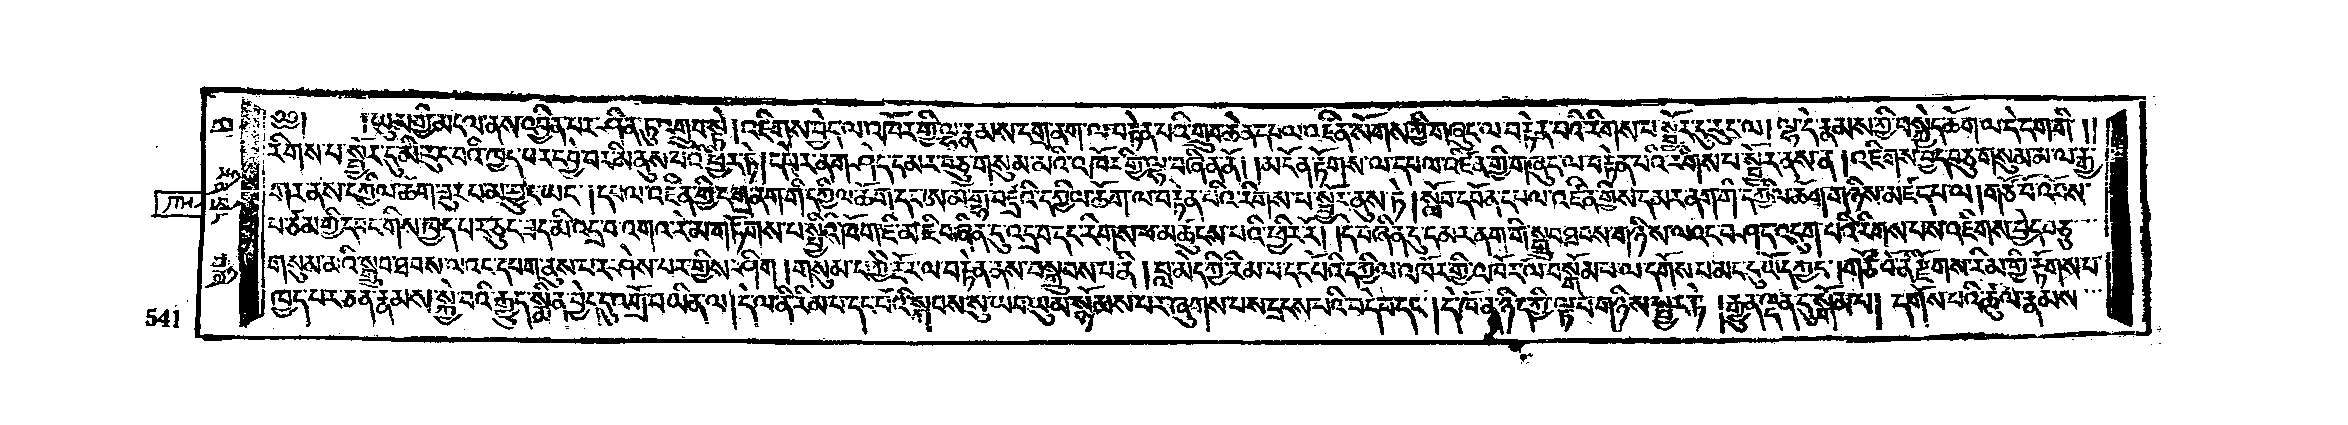༄༅། །ཡུམ་གྱི་མངལ་ནས་འབྱིན་པར་ཤིན་ཏུ་འགྲུབ་སྟེ། འཇིགས་བྱེད་ལ་འཁོར་གྱི་ལྷ་རྣམས་དགྲ་ནག་ལ་བརྟེན་པའི་གྲུབ་ཆེན་དཔལ་འཛིན་སོགས་ཀྱི་གཞུང་ལ་བརྟེན་པའི་རིགས་པ་སྦྱོར་དུ་རུང་ལ། ལྷ་དེ་རྣམས་ཀྱི་བསྐྱེད་ཆོག་ལ་དེ་དག་གི། །
རིགས་པ་སྦྱོར་དུ་མི་རུང་བའི་ཁྱད་པར་དབྱེ་བར་མི་ནུས་པའི་ཕྱིར་ཏེ། དཔེར་ན་གཤེད་དམར་བཅུ་གསུམ་མའི་འཁོར་གྱི་ལྷ་བཞིན་ནོ། །མངོན་རྟོགས་ལ་དཔལ་འཛིན་གྱི་གཞུང་ལ་བརྟེན་པའི་རིགས་པ་སྦྱོར་ནུས་ན། འཇིགས་བྱེད་བཅུ་གསུམ་མ་ལ་རྒྱ་
གར་ནས་དཀྱིལ་ཆོག་ཟུར་པ་མ་བྱུང་ཡང་། དཔལ་འཛིན་གྱི་དགྲ་ནག་གི་དཀྱིལ་ཆོག་དང་ཨ་མོ་གྷ་བཛྲའི་དཀྱིལ་ཆོག་ལ་བརྟེན་པའི་རིགས་པ་སྦྱོར་ནུས་ཏེ། སློབ་དཔོན་དཔལ་འཛིན་གྱིས་དམར་ནག་གི་དཀྱིལ་ཆོག་གཉིས་མཛད་པ་ལ། གཙོ་བོ་འབོས་
པ་ཙམ་གྱི་དབང་གིས་ཁྱད་པར་ཅུང་ཟད་མི་འདྲ་བ་འགའ་རེ་མ་གཏོགས་པ་སྤྱིའི་ཁོག་ཇི་མ་ཇི་བཞིན་དུ་འདྲ་བ་དང་རིགས་པ་མཚུངས་པའི་ཕྱིར་རོ། །དེ་བཞིན་དུ་དམར་ནག་གི་སྒྲུབ་ཐབས་གཉིས་ལའང་བཤད་འདུག་པའི་རིགས་པས་འཇིགས་བྱེད་བཅུ་
གསུམ་མའི་སྒྲུབ་ཐབས་ལའང་དཔག་ནུས་པར་ཤེས་པར་གྱིས་ཤིག །གསུམ་པ་ཀྱཻ་རྡོར་ལ་བརྟེན་ནས་བསྒྲུབས་པ་ནི། བླ་མེད་ཀྱི་རིམ་པ་དང་པོའི་དཀྱིལ་འཁོར་གྱི་འཁོར་ལོ་བསྒོམ་པ་ལ་དགོས་པ་མང་དུ་ཡོད་ཀྱང་། གཙོ་བོ་ནི་རྫོགས་རིམ་གྱི་རྟོགས་པ་
ཁྱད་པར་ཅན་རྣམས་སྐྱེ་བའི་རྒྱུད་སྨིན་བྱེད་དུ་འགྲོ་བ་ཡིན་ལ། དེ་ལ་ནི་རིམ་པ་དང་པོའི་སྐབས་སུ་ཡབ་ཡུམ་སྙོམས་པར་ཞུགས་པས་དྲངས་པའི་བདེ་བ་དང་། དེ་ཁོ་ན་ཉིད་ཀྱི་ལྟ་བ་གཉིས་སྦྱར་ཏེ། རྒྱུན་ལྡན་དུ་སྒོམ་པ། དགོས་པའི་ཚུལ་རྣམས་